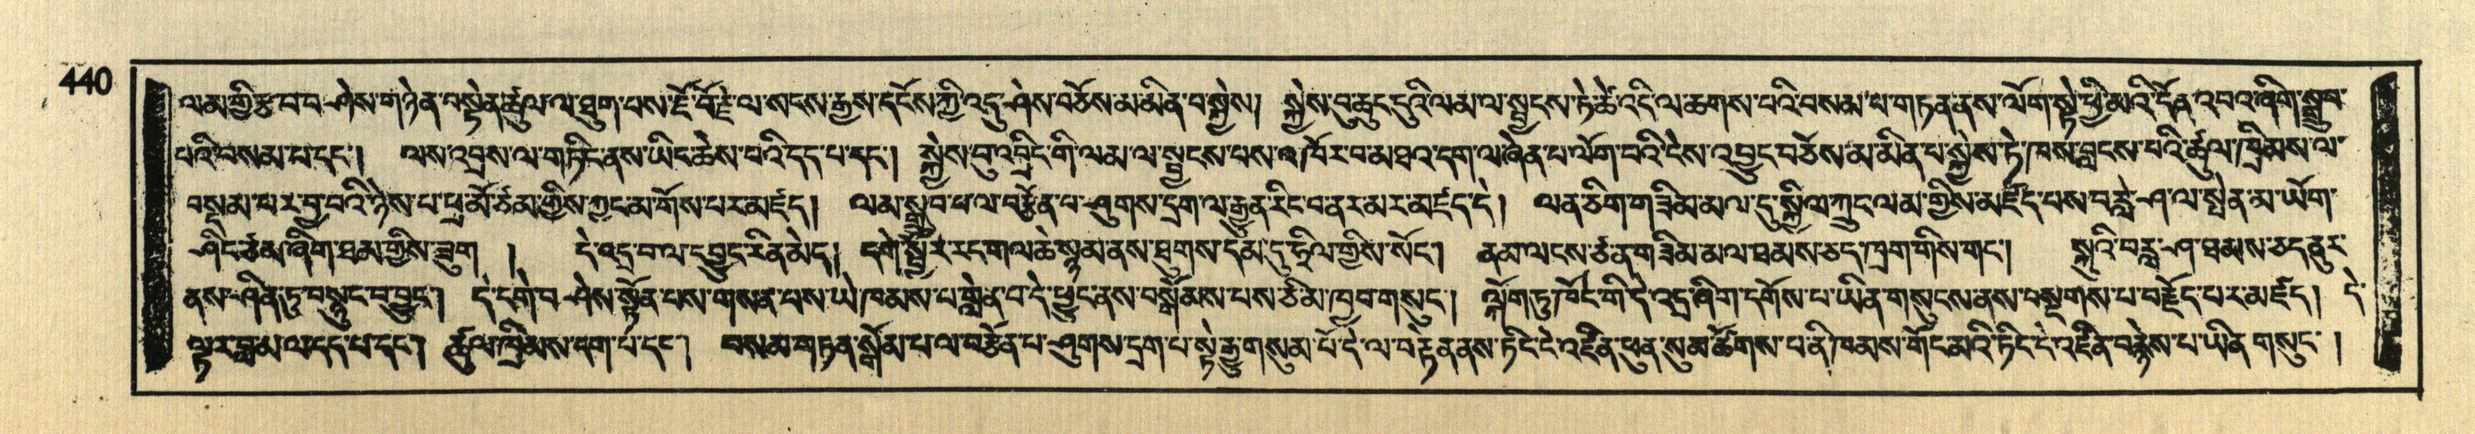ལམ་གྱི་རྩ་བ་བཤེས་གཉེན་བསྟེན་ཚུལ་ལ་ཐུག་པས་ཇོ་བོ་རྗེ་ལ་སངས་རྒྱས་དངོས་ཀྱི་འདུ་ཤེས་བཅོས་མ་མིན་པ་སྐྱེས། སྐྱེས་བུ་ཆུང་ངུའི་ལམ་ལ་སྦྱངས་ཏེ་ཚེ་འདི་ལ་ཆགས་པའི་བསམ་པ་གཏན་ནས་ལོག་སྟེ་ཕྱི་མའི་དོན་འབའ་ཞིག་སྒྲུབ་
པའི་བསམ་པ་དང་། ལས་འབྲས་ལ་གཏིང་ནས་ཡིད་ཆེས་པའི་དད་པ་དང་། སྐྱེས་བུ་འབྲིང་གི་ལམ་ལ་སྦྱངས་པས་འཁོར་བ་མཐའ་དག་ལ་ཞེན་པ་ལོག་བའི་ངེས་འབྱུང་བཅོས་མ་མིན་པ་སྐྱེས་ཏེ་ཁས་བླངས་པའི་ཚུལ་ཁྲིམས་ལ་
བསྡམ་པར་བྱ་བའི་ཉེས་པ་ཕྲ་མོ་ཙམ་གྱིས་ཀྱང་མ་གོས་པར་མཛད། ལམ་སྒྲུབ་པ་ལ་བརྩོན་པ་ཤུགས་དྲག་ལ་རྒྱུན་རིང་བ་ནར་མར་མཛད་དེ། ལན་ཅིག་གཟིམ་མལ་དུ་སྐྱིལ་ཀྲུང་ལམ་གྱིས་མཛད་པས་བྲེལ་ཤ་ལ་སྤེན་མ་ཡོག་
ཤིང་ཙམ་ཞིག་ཐམ་གྱིས་ཟུག །དེ་འདྲ་བ་ལ་དབྱུང་རིན་མེད། དགེ་སྦྱོར་རང་གལ་ཆེ་སྙམ་ནས་ཐུགས་དམ་དུ་ཧྲིལ་གྱིས་སོང་། ནམ་ལངས་ཙ་ན་གཟིམ་མལ་ཐམས་ཅད་ཁྲག་གིས་གང་། སྐུའི་བརླ་ཤ་ཐམས་ཅད་ནུར་
ནས་ཤིན་ཏུ་བསྙུང་བ་བྱུང་། དེ་དགེ་བཤེས་སྟོན་པས་གསན་པས་ཡེ་ཁམས་པ་གླེན་བ་དེ་ཕྱུང་ནས་བསྒོམས་པས་ཅི་མ་ཁྱབ་གསུང་། ལྐོག་ཏུ་ཁོང་གི་དེ་འདྲ་ཞིག་དགོས་པ་ཡིན་གསུངས་ནས་བསྔགས་པ་བརྗོད་པར་མཛད། དེ་
ལྟར་བླ་མ་ལ་དད་པ་དང་། ཚུལ་ཁྲིམས་དག་པ་དང་། བསམ་གཏན་སྒོམ་པ་ལ་བརྩོན་པ་ཤུགས་དྲག་པ་སྟེ་རྒྱུ་གསུམ་པོ་དེ་ལ་བརྟེན་ནས་ཏིང་ངེ་འཛིན་ཕུན་སུམ་ཚོགས་པ་ནི་ཁམས་གོང་མའི་ཏིང་ངེ་འཛིན་བརྙེས་པ་ཡིན་གསུང་།